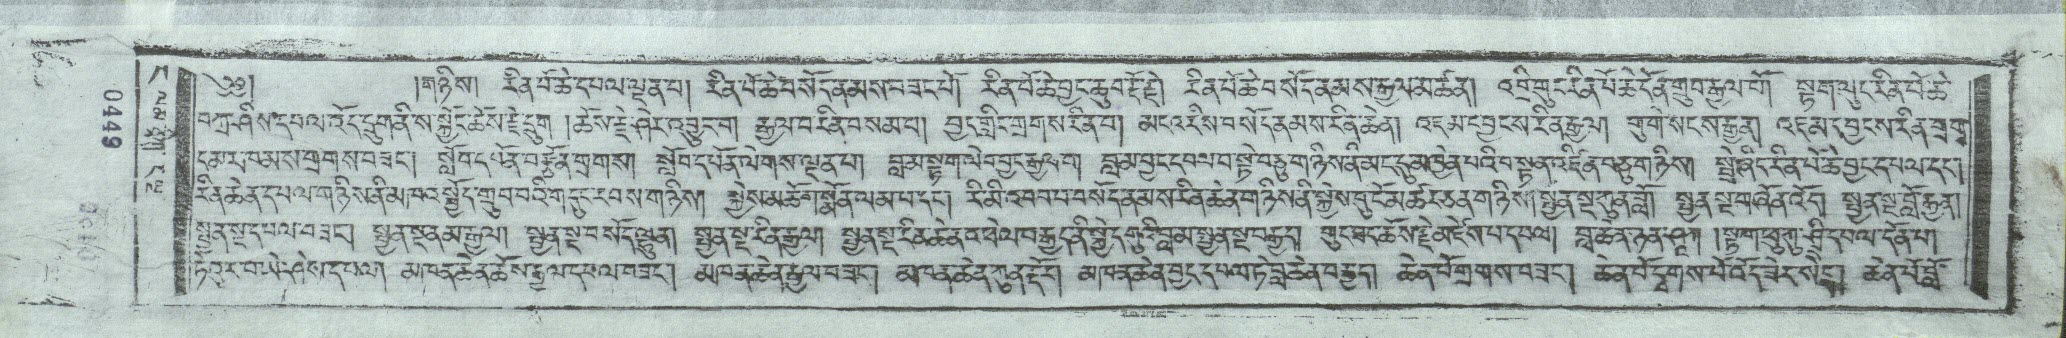༄༅། །གཉིས། རིན་པོ་ཆེ་དཔལ་ལྡན་པ། རིན་པོ་ཆེ་བསོད་ནམས་བཟང་པོ། རིན་པོ་ཆེ་བྱང་ཆུབ་རྡོ་རྗེ། རིན་པོ་ཆེ་བསོད་ནམས་རྒྱལ་མཚན། འབྲི་གུང་རིན་པོ་ཆེ་དོན་གྲུབ་རྒྱལ་པོ། སྟག་ལུང་རིན་པོ་ཆེ་
བཀྲ་ཤིས་དབལ་འོད་དྲུག་ནི་ས་སྐྱོང་ཆོས་རྗེ་དྲུག །ཆོས་རྗེ་ཤེར་འབྱུང་བ། རྒྱལ་བ་རིན་བསམ་པ། བྱང་གླིང་གྲགས་རིན་པ། མངའ་རིས་བསོད་ནམས་རིན་ཆེན། འཇམ་དབྱངས་རིན་རྒྱལ། གུ་གེ་སངས་རྒྱན། འཇམ་དབྱངས་རིན་གྲགས་
དམར་ཁམས་གྲགས་བཟང་། སློབ་དཔོན་བརྩོན་གྲགས། སློབ་དཔོན་ལེགས་ལྡན་པ། བླ་མ་སྟག་ལེབ་བྱང་རྒྱལ་བ། བླ་མ་བྱང་དཔལ་བ་སྟེ་བཅུ་གཉིས་ནི་མང་དུ་མཁྱེན་པའི་བསྟན་འཛིན་བཅུ་གཉིས། སྦྲེ་ཞིང་རིན་པོ་ཆེ་བྱང་དཔལ་དང་།
རིན་ཆེན་དཔལ་གཉིས་ནི་མཁའ་སྦྱོད་གྲུབ་བའི་གདུང་རབས་གཉིས། སྐྱེས་མཆོག་སྨོན་ལམ་པ་དང་། རི་མི་འབབ་པ་བསོད་ནམས་རིན་ཆེན་གཉིས་ནི་སྐྱེས་བུ་ངོ་མཚར་ཅན་གཉིས། སྤྱན་སྔ་ཀུན་བློ། སྤྱན་སྔ་གཞོན་འོད། སྤྱན་སྔ་བློ་རྒྱན།
སྤྱན་སྔ་དཔལ་བཟང་། སྤྱན་སྔ་མ་རྒྱལ། སྤྱན་སྔ་བསོད་ལྷུན། སྤྱན་སྔ་རིན་རྒྱལ། སྤྱན་སྔ་རིན་ཆེན་འཕེལ་བརྒྱད་ནི་སྐྱེ་དབུའི་བླ་མ་སྤྱན་སྔ་བརྒྱད། གུང་ཐད་ཆོས་རྗེ་མཛེས་པ་དཔལ། བླ་ཆེན་ཉན་ཤཱཀྱ། །སྟག་ཕུ་ཀུ་ཤྲི་དཔལ་དོན་པ།
ཏོའུར་བ་ཡེ་ཤེས་དཔལ། མཁན་ཆེན་ཆོས་རྒྱལ་དཔལ་བཟང་། མཁན་ཆེན་རྒྱལ་བཟང་། མཁན་ཆེན་ཀུན་རྡོར། མཁན་ཆེན་བྱང་དཔལ་ཏེ་བླ་ཆེན་བརྒྱད། ཆེན་པོ་གྲགས་བཟང་། ཆེན་པོ་དྭགས་པོ་འོད་ཟེར་སེངྒེ། ཆེན་པོ་བློ་